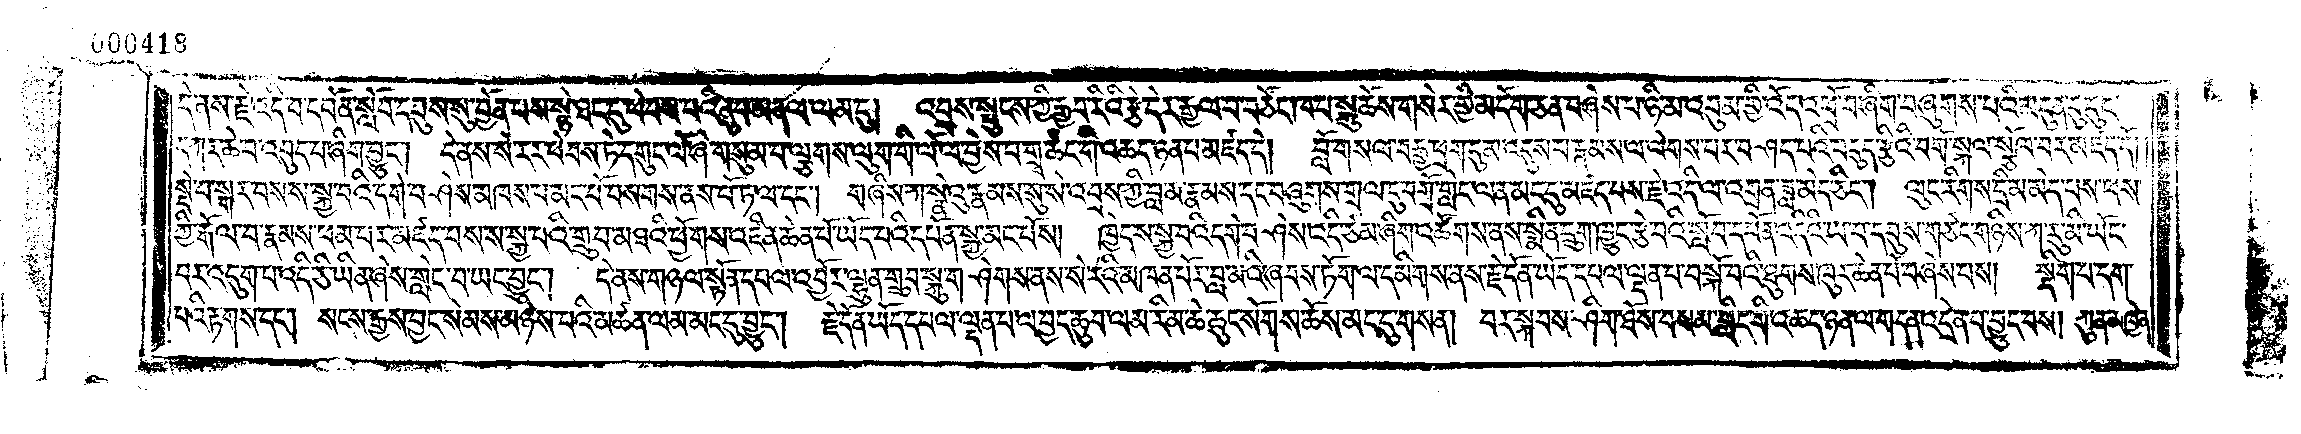དེ་ནས་རྗེ་འདི་བ་དབོན་སློབ་དབུས་སུ་བྱོན་པས་སྙེ་ཐང་དུ་ཕེབས་པའི་ནུབ་མནལ་ལམ་དུ། འབྲས་སྤུངས་ཀྱི་རྒྱབ་རིའི་རྩེ་དེར་རྒྱལ་བ་བཙོང་ཁ་པ་སྐུ་ཆོས་གསེར་གྱི་མདོག་ཅན་བཞེས་པ་ཉི་མ་འབུམ་གྱི་འོད་འཕྲོ་བ་ཞིག་བཞུགས་པའི་མདུན་དུ་དུང་
དཀར་ཆེ་བ་འབུད་པ་ཞིག་བྱུང་། དེ་ནས་སེ་རར་ཕེབས་ཏེ་དགུང་ལོ་ཞེ་གསུམ་པ་ལྕགས་ལུག་གི་ལོ་ལ་བྱེས་པ་གྲྭ་ཚང་གི་འཆད་ཉན་པ་མཛད་དེ། བློ་གསལ་བརྒྱ་ཕྲག་དུ་མ་འདུས་པ་རྣམས་ལ་ལེགས་པར་བཤད་པའི་བདུད་རྩིའི་བགོ་སྐལ་སྩོལ་བར་མཛད་དོ། །
སྡེ་བ་སྒར་བས་ས་སྐྱ་བའི་དགེ་བཤེས་མཁས་པ་མང་པོ་བསགས་ནས་པོ་ཏ་ལ་དང་། གཞིས་ཀ་སྣེའུ་རྣམས་སུ་སེ་འབྲས་ཀྱི་བླ་མ་རྣམས་དང་བཞུགས་གྲལ་དུ་བགྲོ་གླེང་ལན་མང་དུ་མཛད་པས་རྗེ་འདི་ལ་འགྲན་ཟླ་མེད་ཅིང་། ལུང་རིགས་དྲི་མ་མེད་པས་ཕས་
ཀྱི་རྒོལ་བ་རྣམས་ཕམ་པར་མཛད་པས་ས་སྐྱ་བའི་གྲུབ་མཐའི་ཕྱོགས་འཛིན་ཆེན་པོ་ཡོད་པའི་དཔོན་སྐྱ་མང་པོས། ཁྱེད་ས་སྐྱ་བའི་དགེ་བཤེས་འདི་ཙམ་ཞིག་འཚོགས་ནས་སྨིན་དྲུག་ཁྱུང་རྩེ་བའི་སློབ་དཔོན་འདིའི་ཡ་བ་དབུས་གཙང་གཉིས་ཀ་རུ་མི་ཡོང་
བར་འདུག་པ་འདི་ཅི་ཡིན་ཞེས་གླེང་བ་ཡང་བྱུང་། དེ་ནས་གཉལ་སྟོན་དཔལ་འབྱོར་ལྷུན་གྲུབ་སྐུ་གཤེགས་ནས་སེ་རའི་མཁན་པོར་བླ་མའི་ཞབས་ཏོག་ལ་དམིགས་ནས་རྗེ་དོན་ཡོད་དཔལ་ལྡན་པ་བསྐོ་བའི་ཐུགས་ཁུར་ཆེན་པོ་བཞེས་པས། སྡིག་པ་དག་
པའི་རྟགས་དང་། སངས་རྒྱས་བྱང་སེམས་མཉེས་པའི་མཚན་ལམ་མང་དུ་བྱུང་། རྗེ་དོན་ཡོད་དཔལ་ལྡན་པ་ལ་བྱང་ཆུབ་ལམ་རིམ་ཆེ་ཆུང་སོགས་ཆོས་མང་དུ་གསན། བར་སྐབས་ཤིག་ཐོས་བསམ་གླིང་གི་འཆད་ཉན་ལ་གདན་འདྲེན་པ་བྱུང་བས། ཀུན་མཁྱེན་